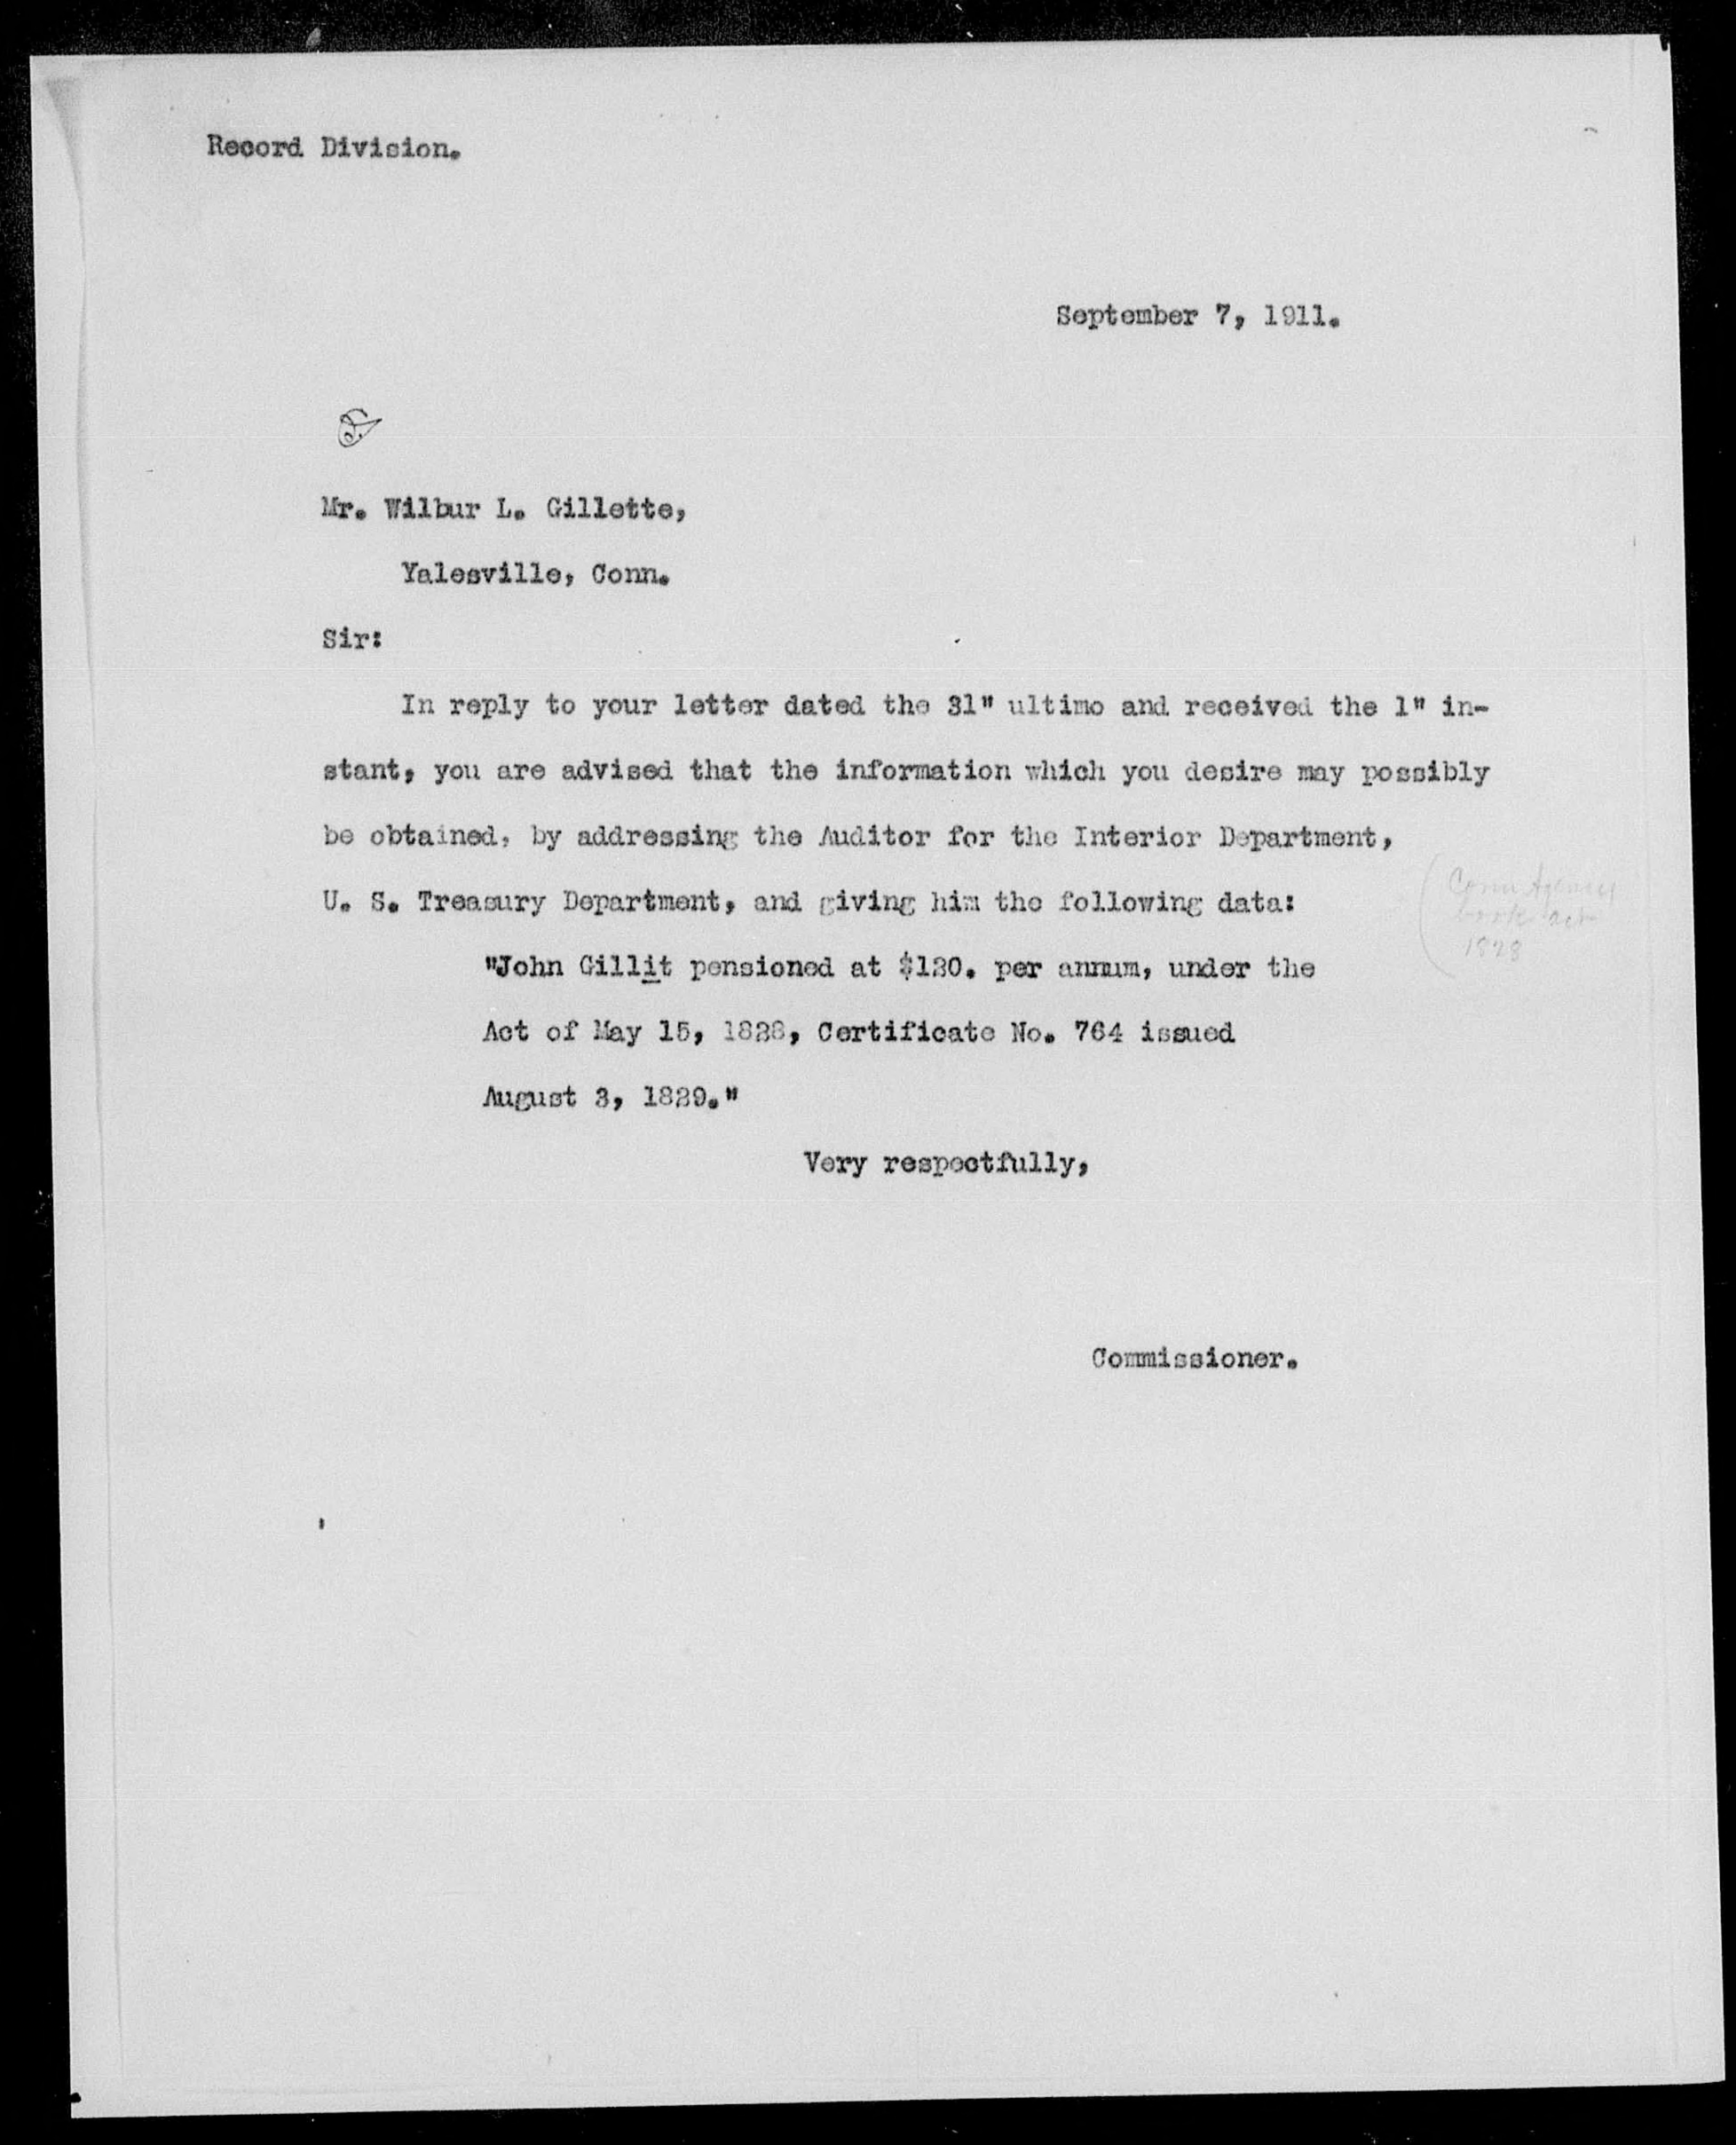Record Division.

                                     September 7, 1911.

Mr. Wilbur L. Gillette,
             Yalesville, Conn.

Sir:

    In reply to your letter dated the 31" ultimo and received the 1" instant, you are advised that the information which you desire may possibly be obtained, by addressing the Auditor for the Interior Department, U.S. Treasury Department, and giving him the following data:
  " John Gillit [sic] pensioned at $120. per annum, under the 
    Act of May 15, 1828, Certificate No. 764 issued 
    August 3, 1829."

                                               Very respectfully,

                                                            Commissioner

[NOTE:  There is a comment inserted in the right margin next to the last paragraph]

                 Conn Agency Book Act 1828
                                                     Commissioner.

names: John Gillit, Wilbur L Gillette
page: 39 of 40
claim: survivor's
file: S. 36,537 And R. 4034, John Gillet, Conn.